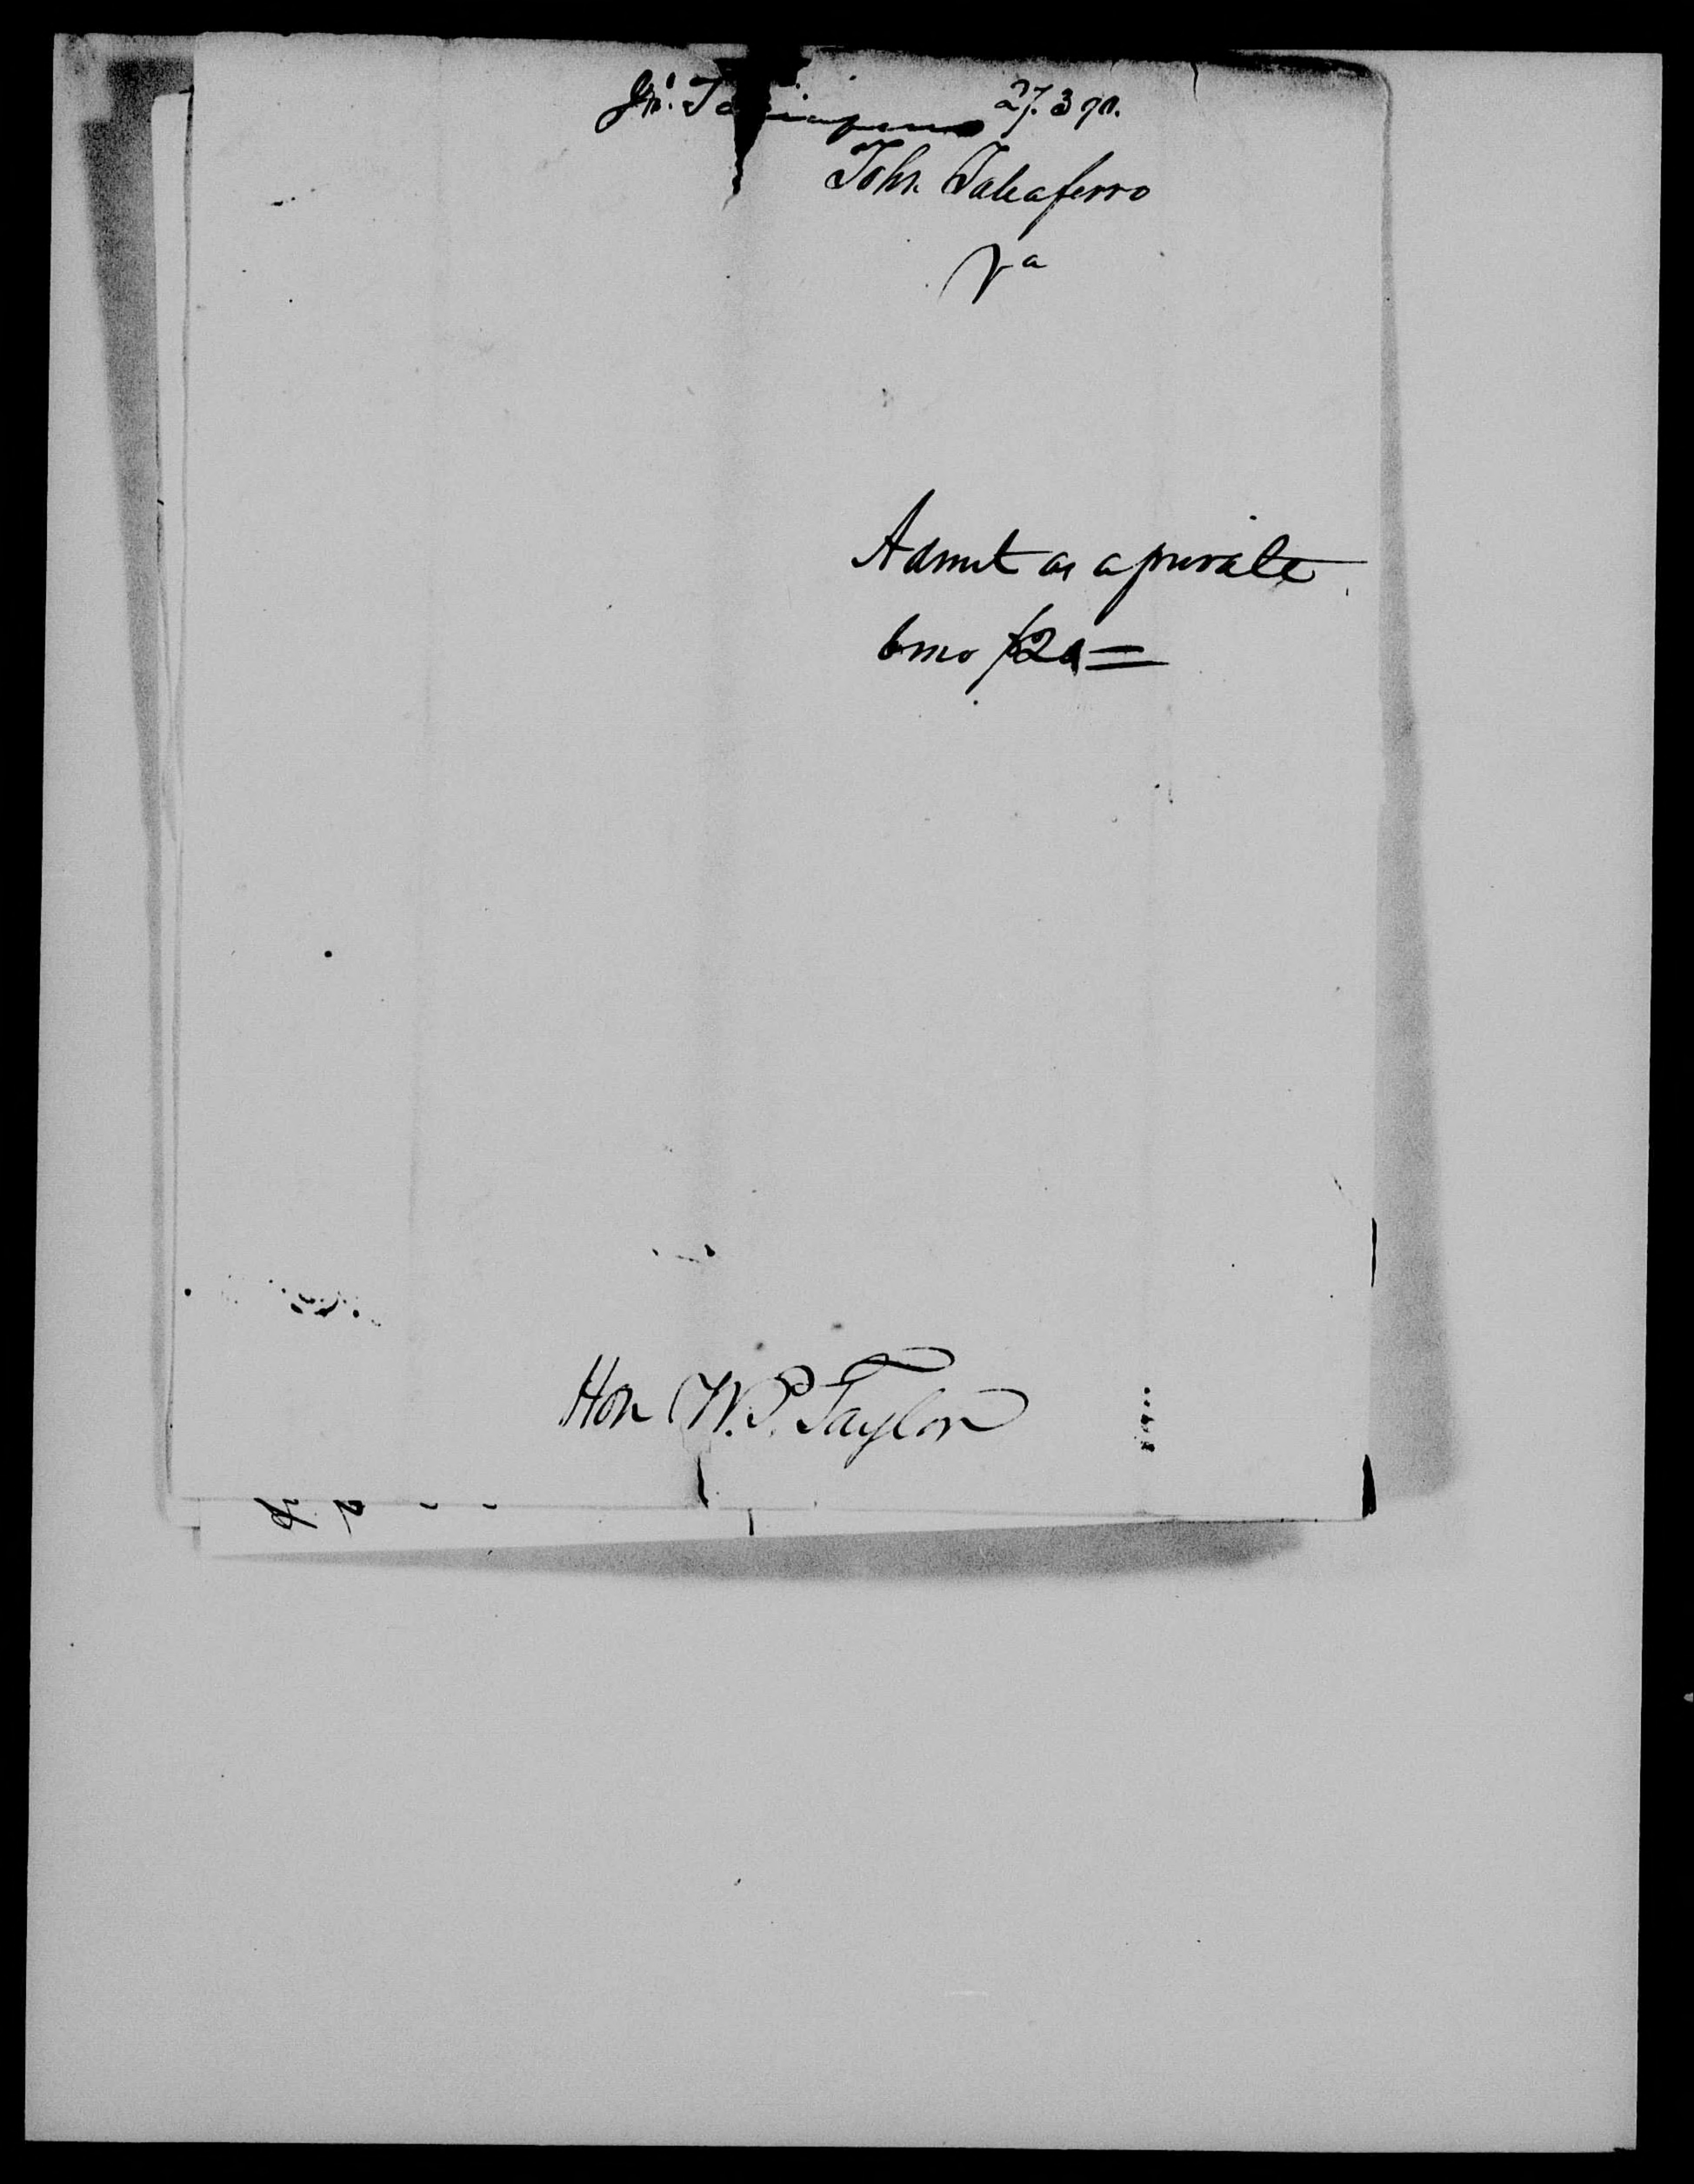Jn Taliaferro 27.390
John Taliaferro
Va

Admit as a private
6 mo/$20--

Hon W. J. Taylor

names: John Taliaferro; W P Taylor; Jno Taliaferro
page: 4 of 34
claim: survivor's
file: S. 19483, for John Taliaferro, Virginia